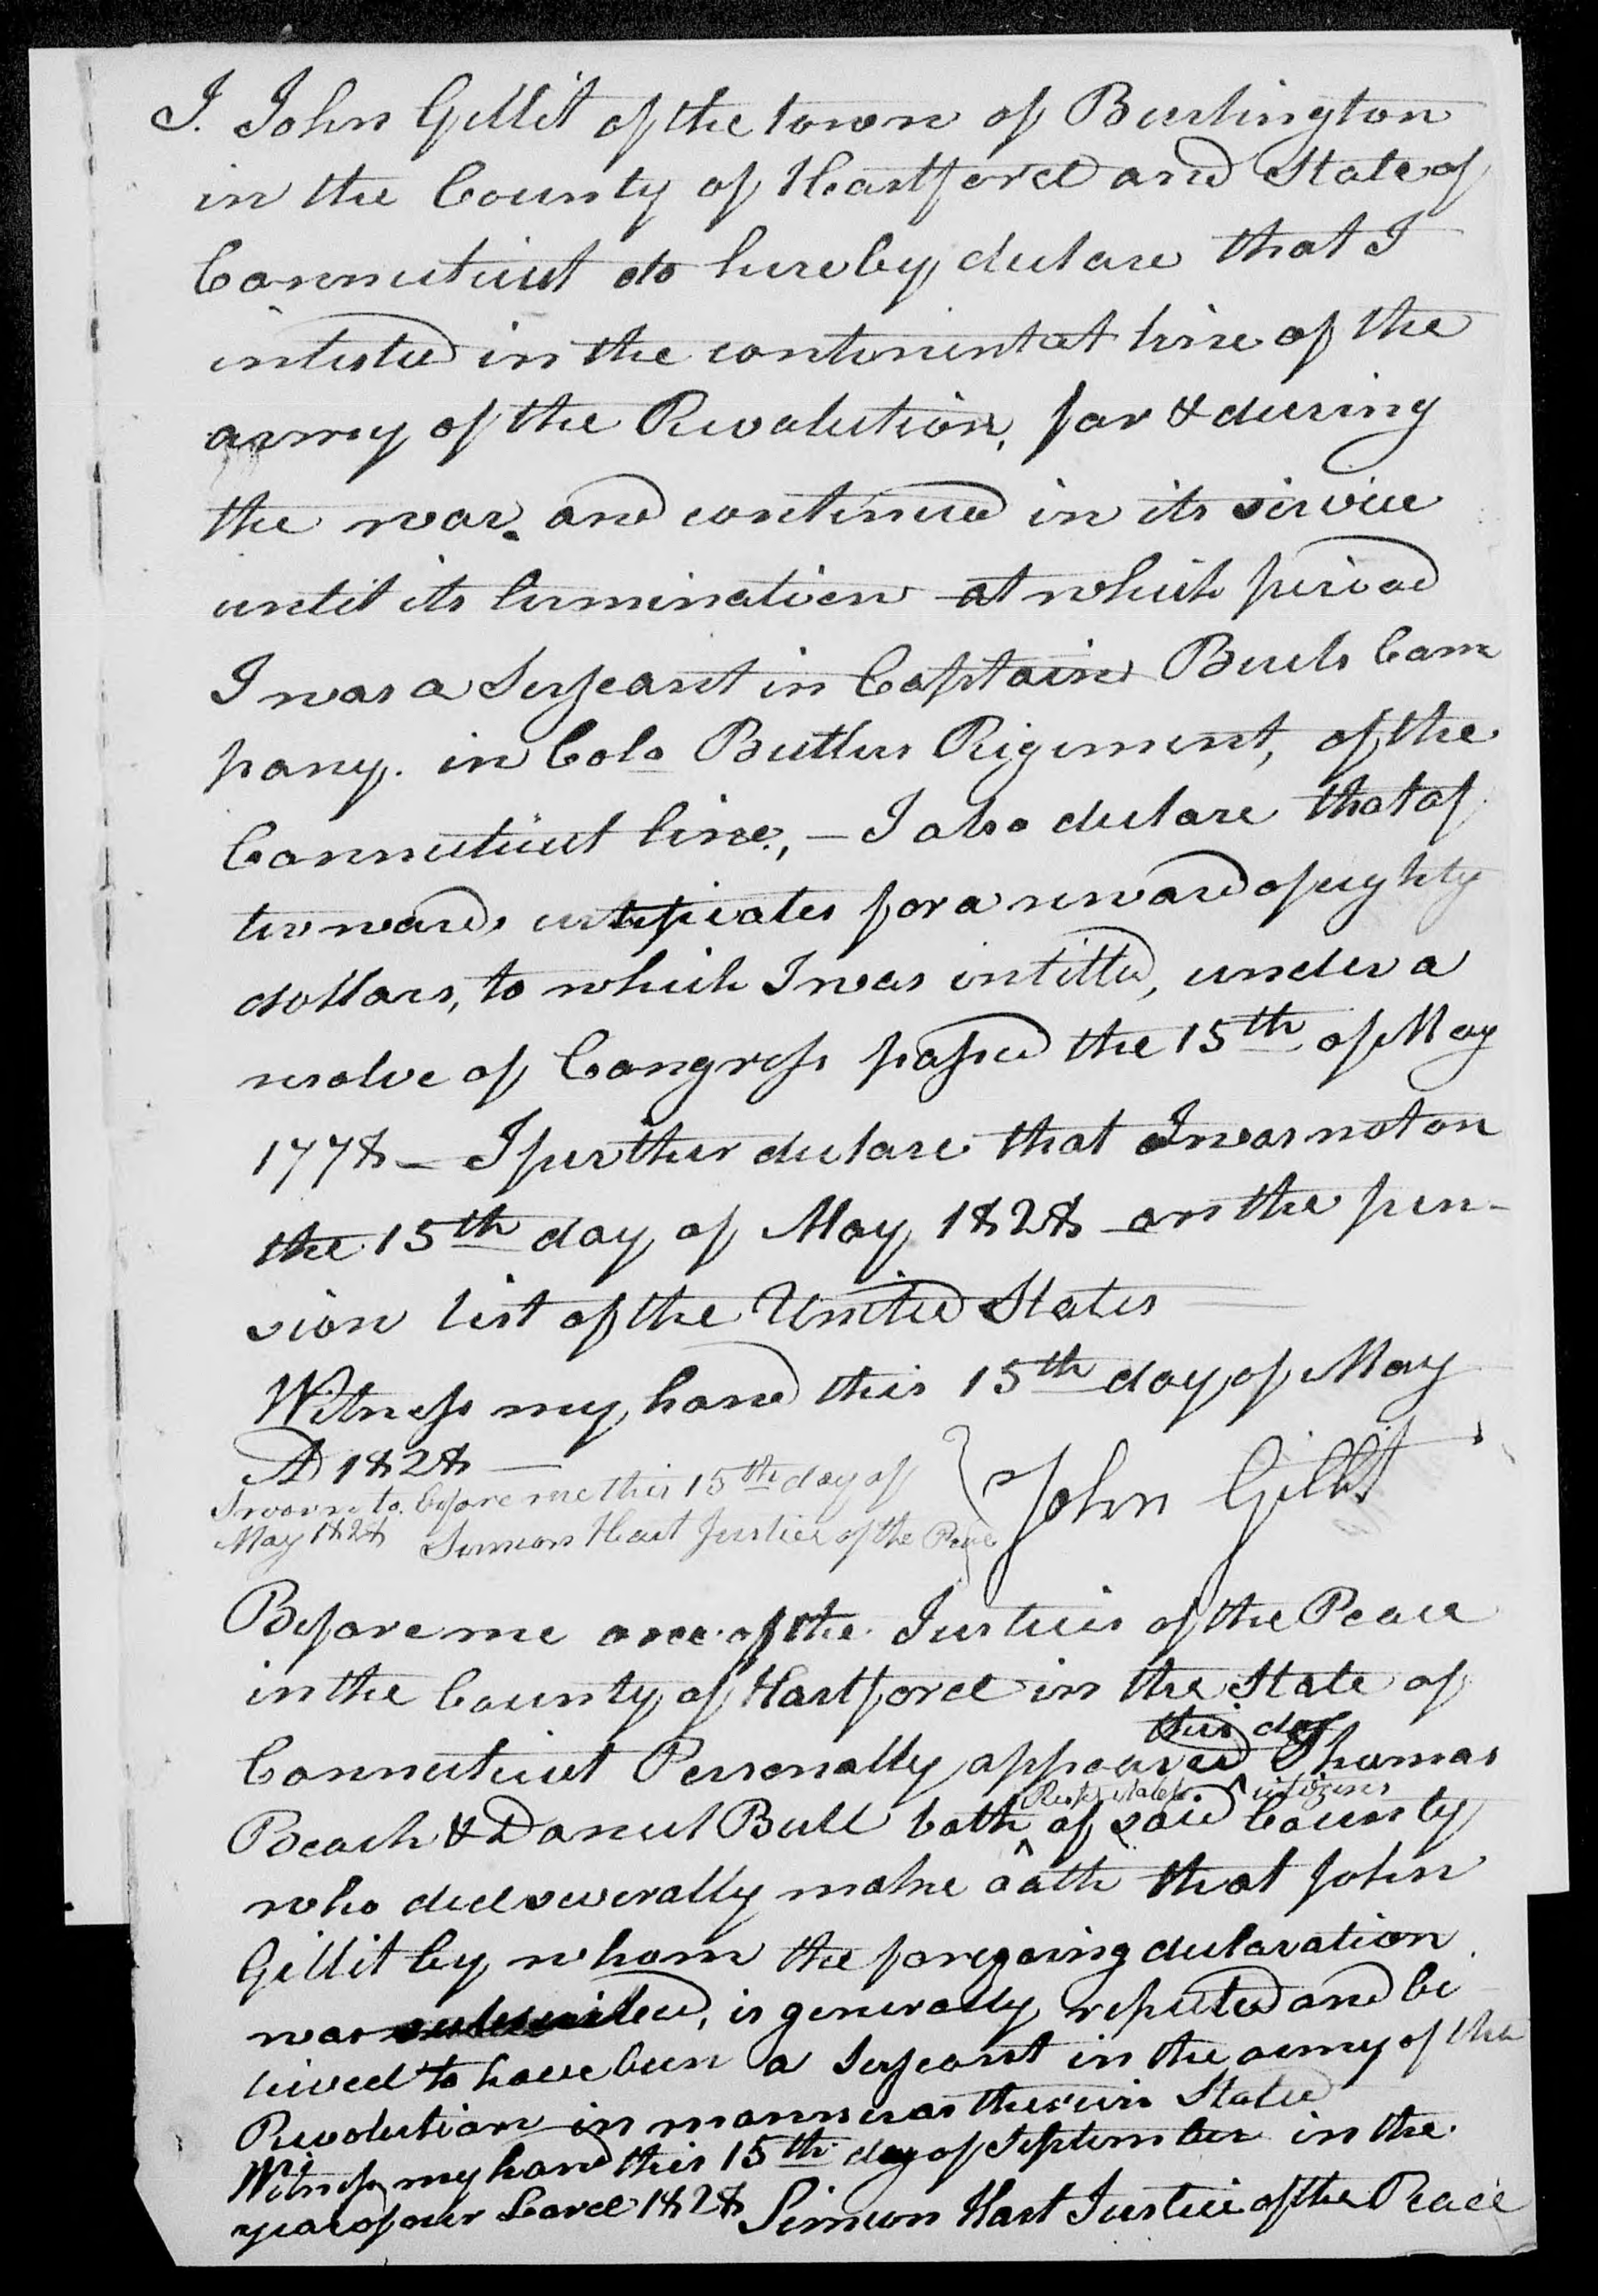I John Gillet of the town of Burlington in the County of Hartford and State of Connecticut do hereby declare that I inlisted in the continental line of the army of the Revolution for & during the was and continued in its service until its termination at which period I was a Sergeant in Captain Buels Company in Colo Butlers Regiment of the Connecticut line, -  I also declare that afterwards certificates for a reward of eighty dollars, to which I was entitled, under a resolve of Congress passed the 15th of May 1778 - I further declare that I was not in the 15th day of May 1828 on the pension list of the United States -

Witness my hand this 15th day of May AD 1828 - 
                           [Signed]   John Gill

Sworn to before me this 15th day of May 1828
        {Signed]  Simeon Hart Justice of the Peace

Before me one of the Justices of the Peace in the County of Hartford in the State of Connecticut Personally appeared this day [last two words inserted] Thomas Beach & Daniel Bull both Respectable [last word inserted] of said County who did severably make oath that John Gillet by whom the foregoing declaration was subscribed, is generally reputable and believed to have been a Sergeant in the army of the Revolution in manner was therein stated

Witness my hand this 15th day of September in the year of our Lord 1828
   [Signed] Simeon Hart  Justice of the Peace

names: John Gillit, Simeon Hart, Daniel Bull, John Gillit, John Gillit, Simeon Hart, Thomas Beach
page: 17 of 40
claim: survivor's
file: S. 36,537 And R. 4034, John Gillet, Conn.